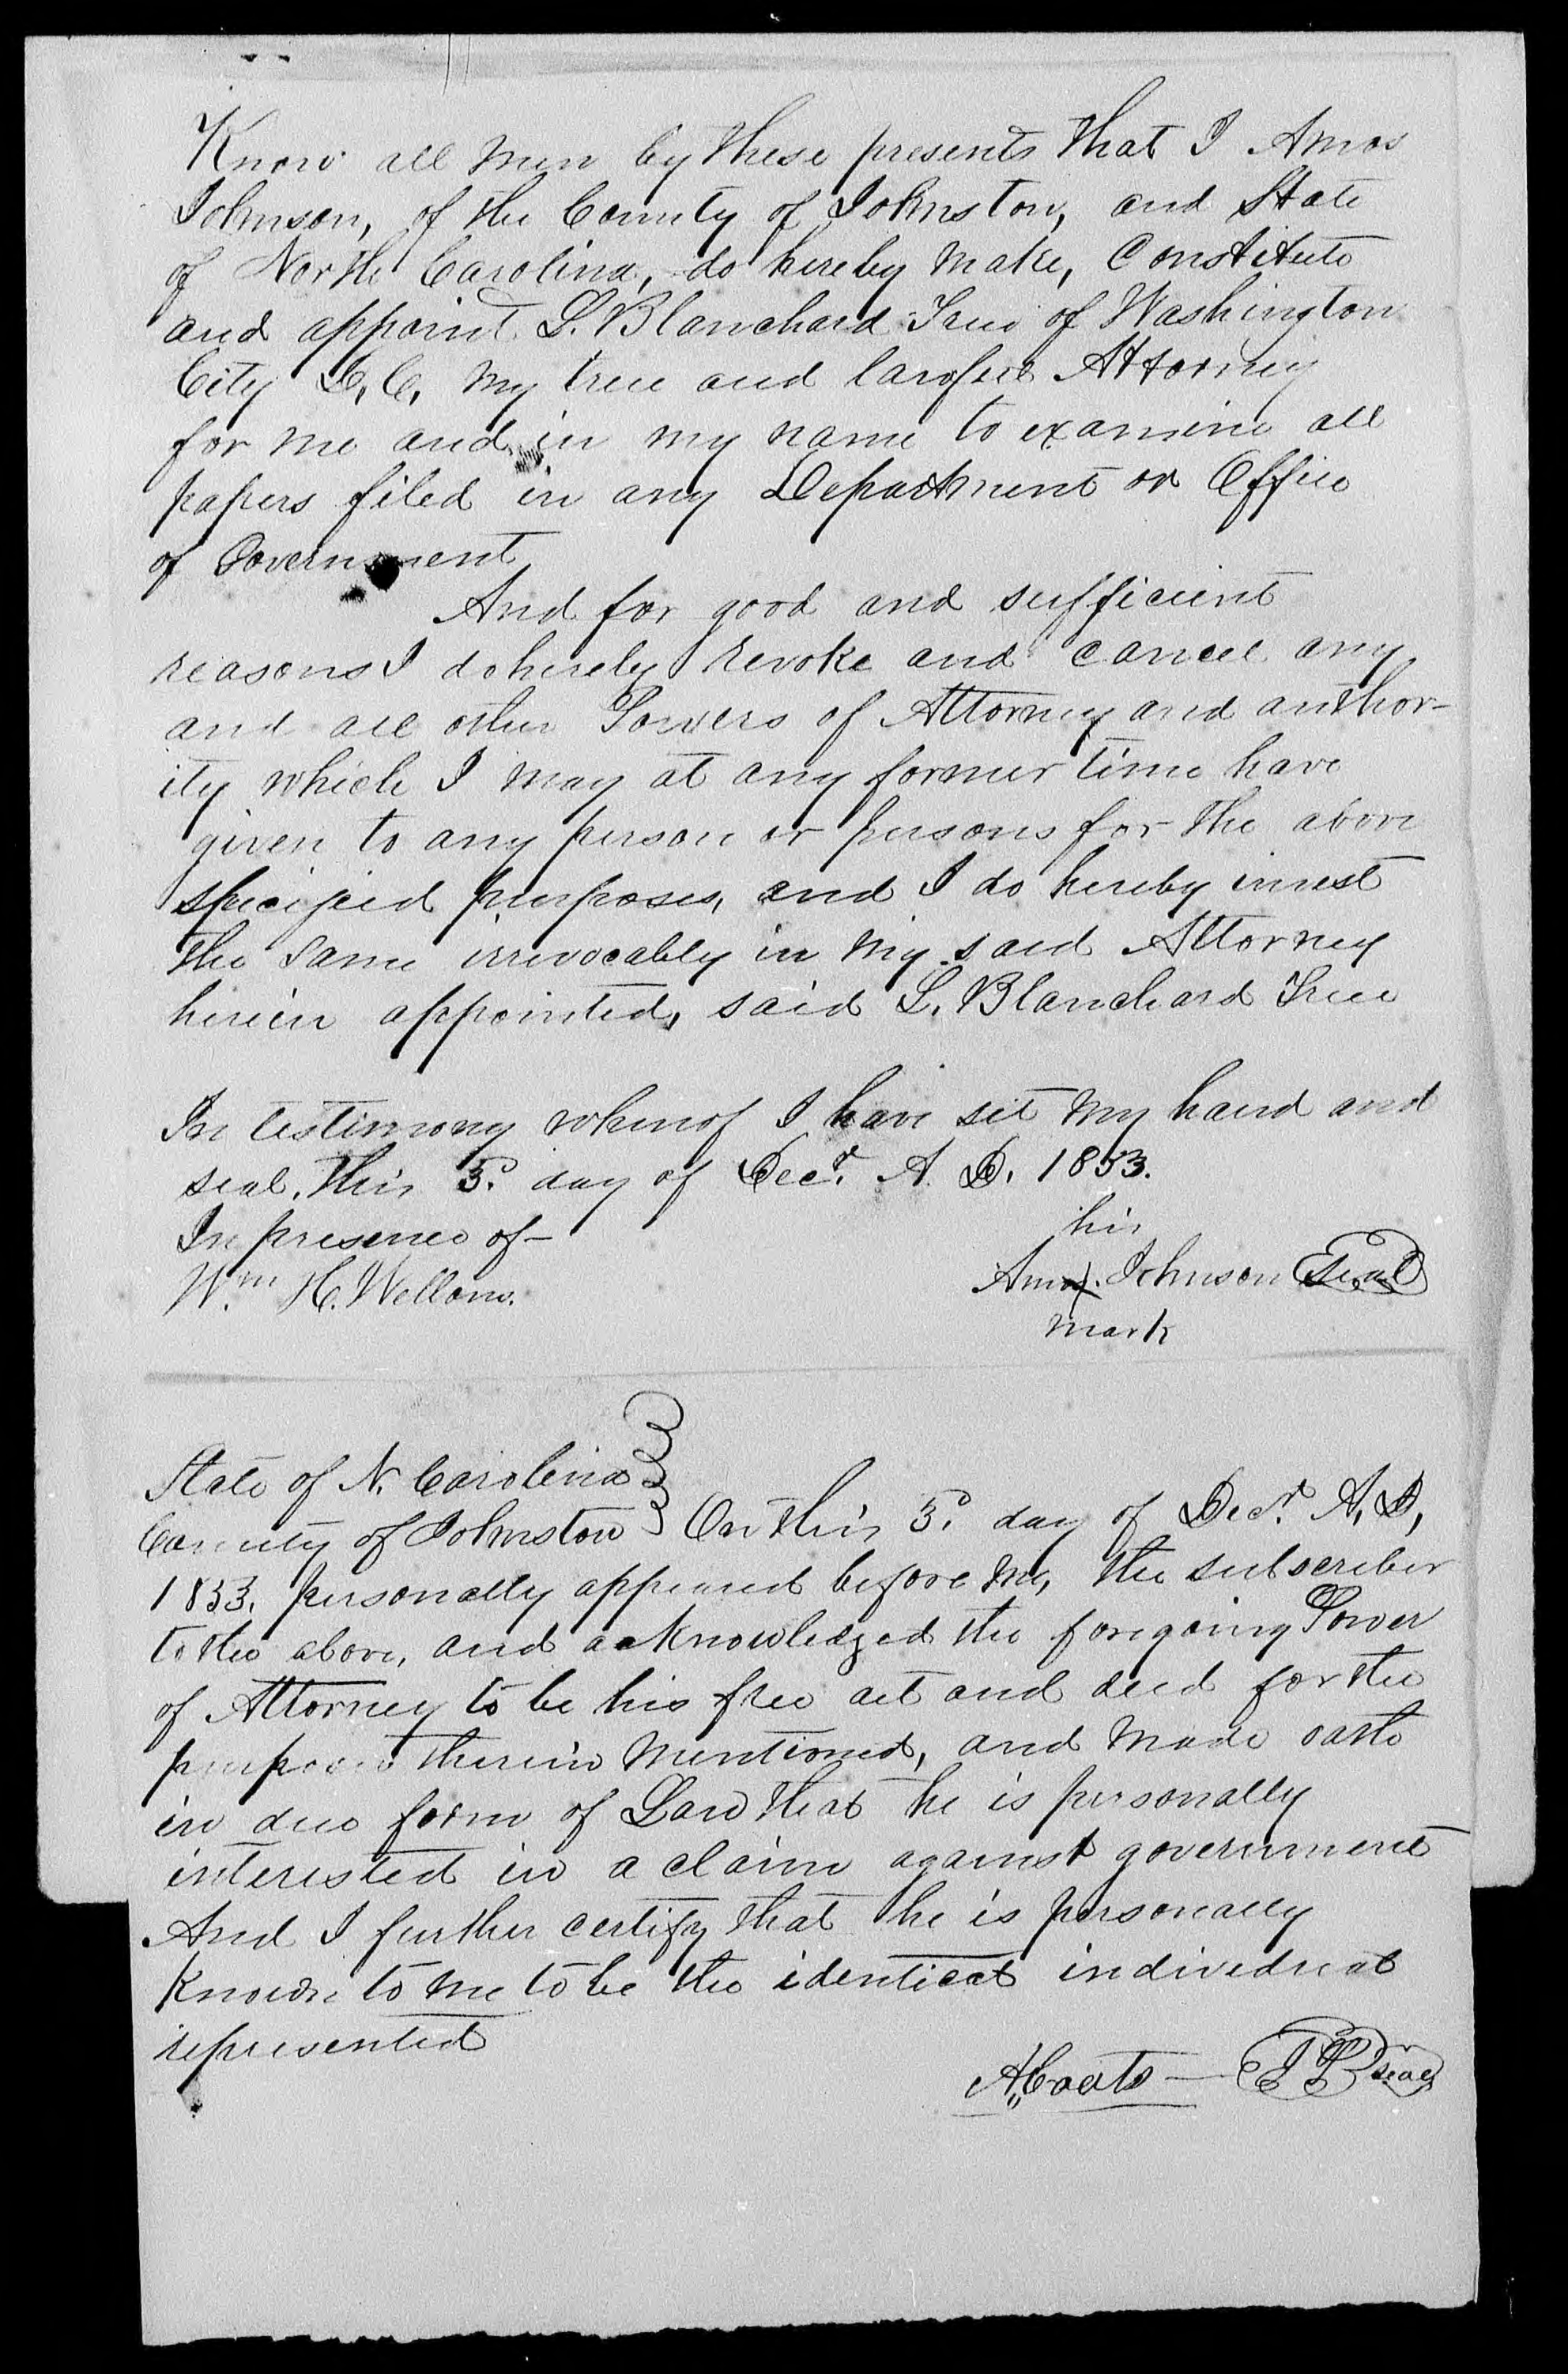Know all men by these presents that I Amos Johnson, of the County of Johnston, and State of North Carolina, do hereby make, constitute and appoint L. Blanchard True of Washington City D.C. my true and lawful Attorney for me and in my name to examine all papers filed in any Department on Office of Government    
And for good and sufficient reasons I do hereby revoke and cancel any and all other Powers of Attorney and authority which I may at any former time have given to any person or persons for the above specified purposes, and I do hereby invest the same irrevocably in my said Attorney herein appointed, said L. Blanchard True    
In testimony whereof I have set my hand and seal, this 3 day of December A. D. 1853 In presence of Wm H. Wellons 
Amos Johnson his Mark   
State of N. Carolina County of Johnston} On this 3d day of December A. D. 1853, personally appeared before me the subscriber to the above, and acknowledged the foregoing Power of Attorney to be his free act and deed for the purposes therein mentioned, and made oath the in due form of Land that he is personally interested in a claim against government   And I further certify that he is personally known to me to be the identical individual represented   
A. Coats JP [seal]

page: 71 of 74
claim: rejected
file: R. 5600, for Abel Johnson, North Carolina